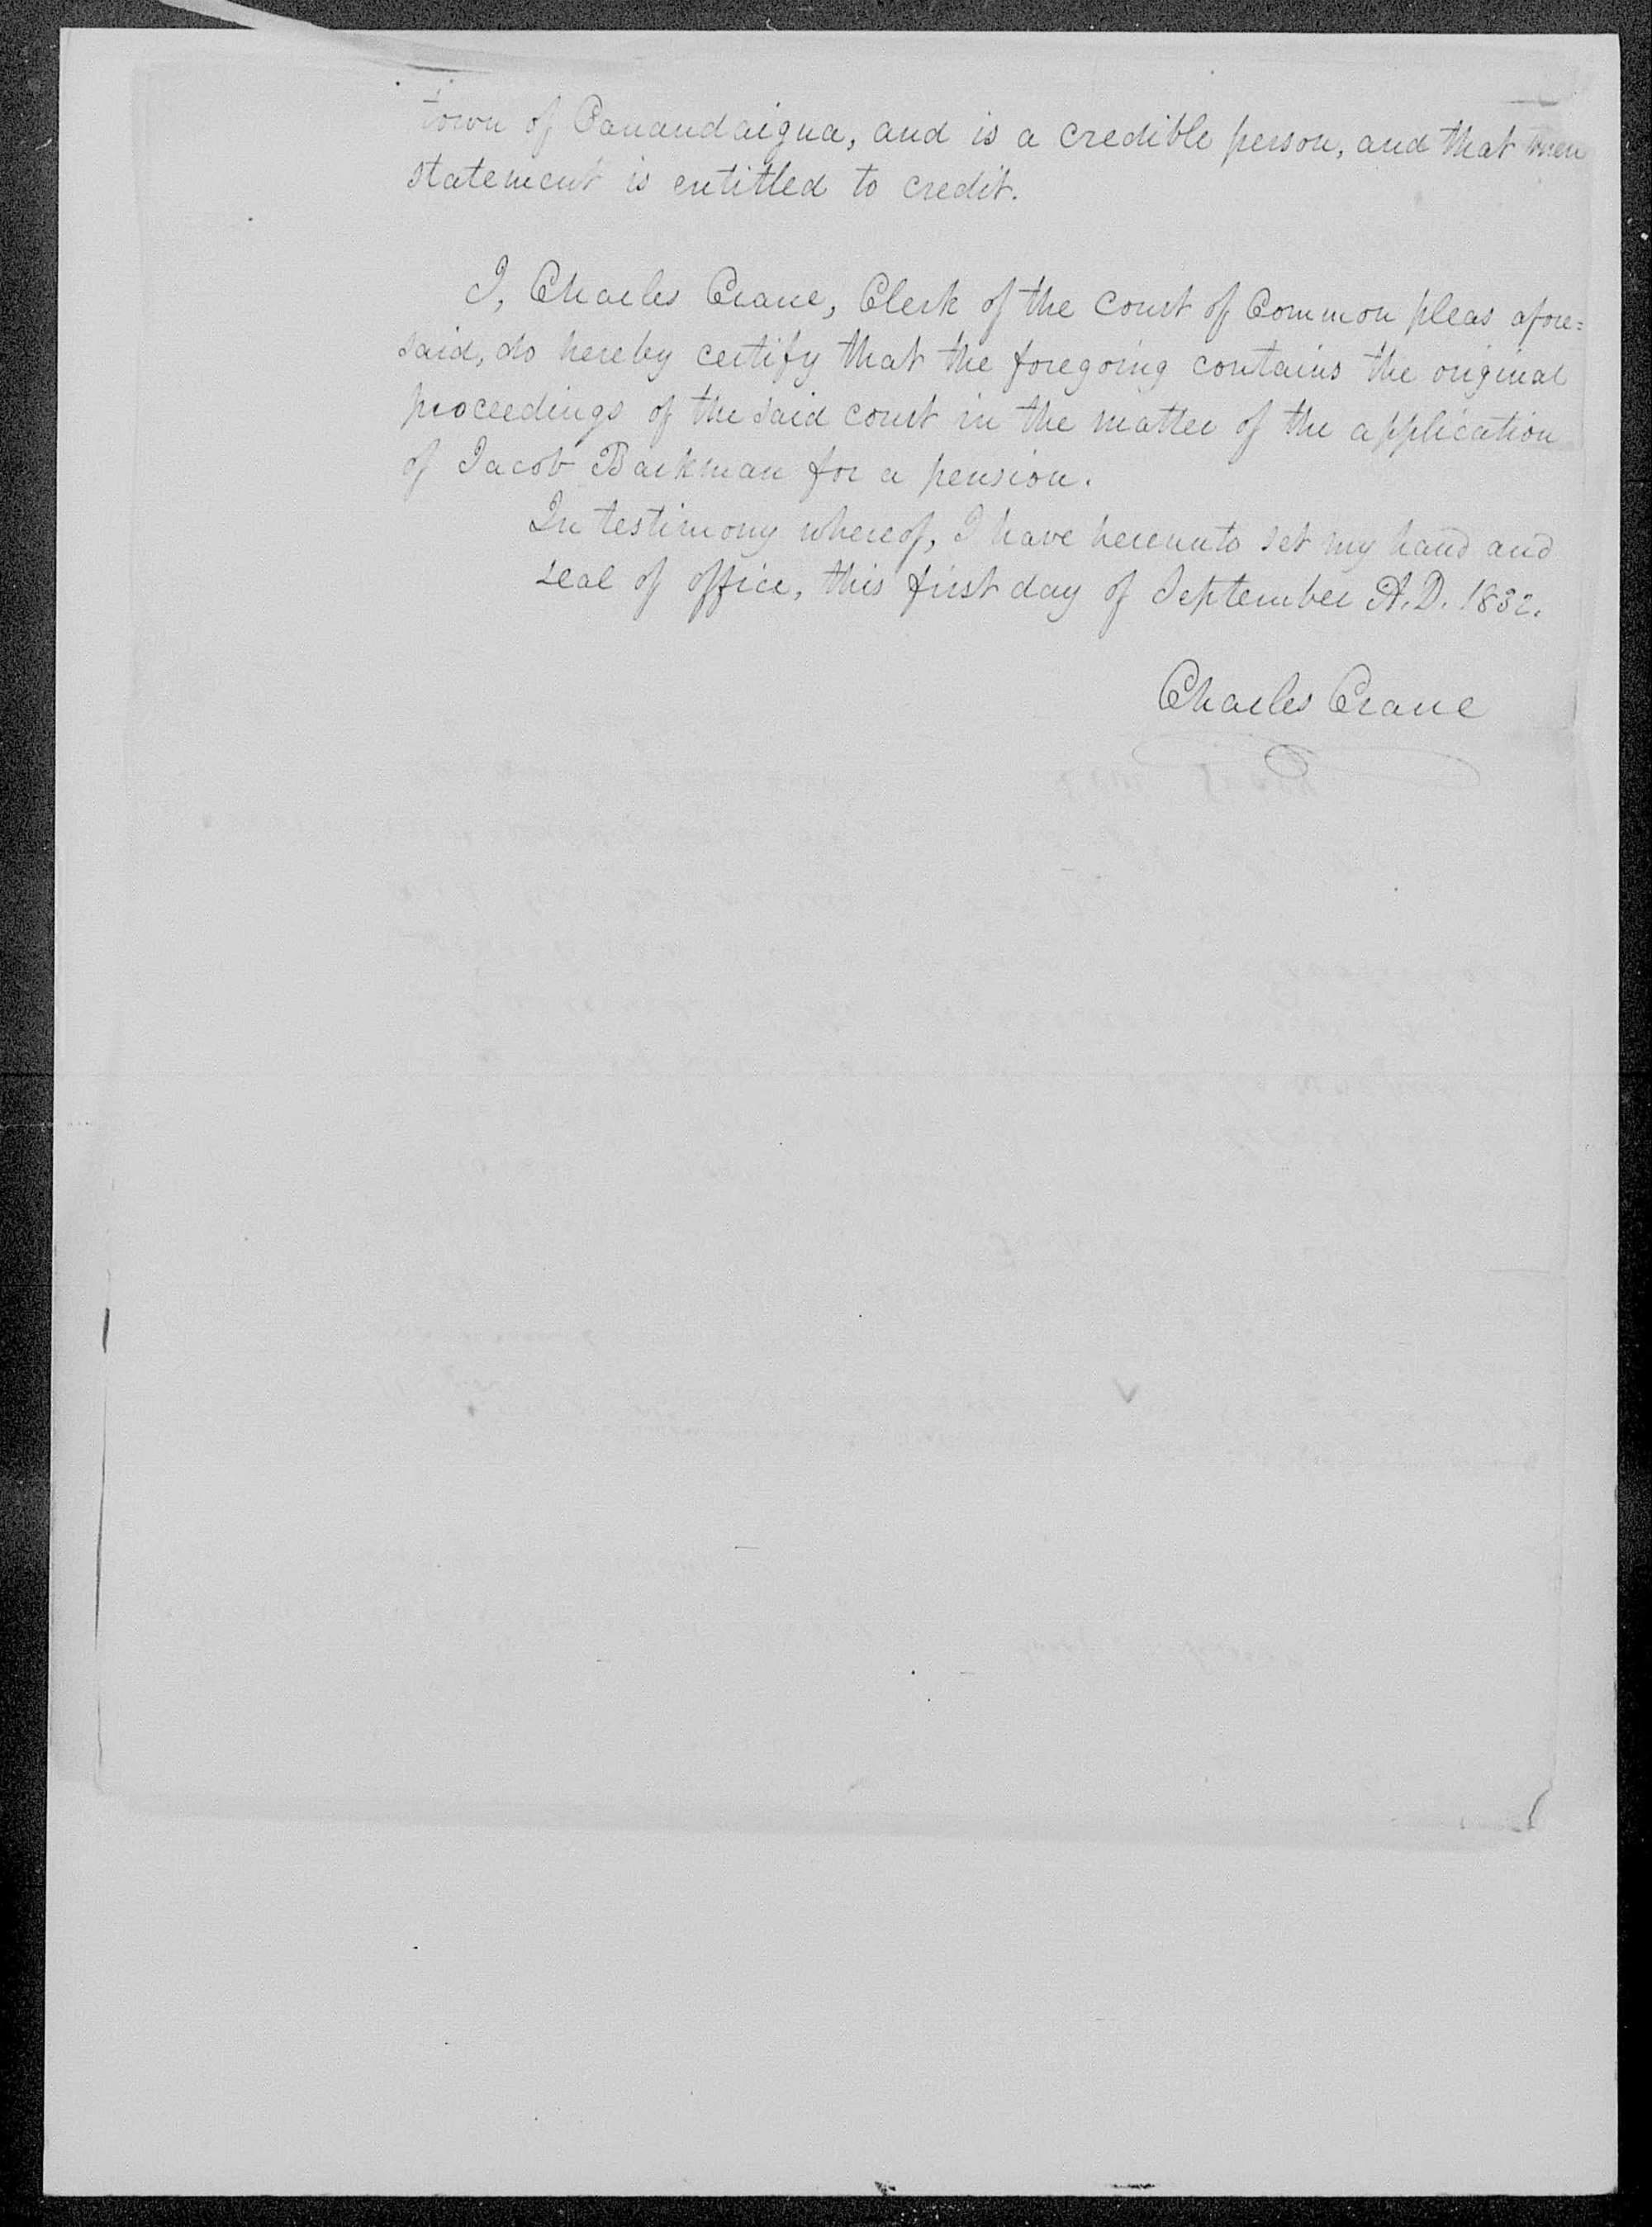townof Panardaigua, and is a credible person, and that their statement is entitled to credit.

I, Charles Grace, Clerk of the court of Common pleas aforesaid, do hereby certify that the foregoing contains the original proceedings of the said court in the matter of the application of Jacob Barkman for a pension.

In testimony whereof, I have hereunto set my hand and seal of office, this first day of September A. D. 1832.

Charles Grace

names: Charles Crave, Jacob Barkman, Charles Crave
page: 8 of 12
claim: survivor's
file: S. 23,528, Jacob Barkman, New York